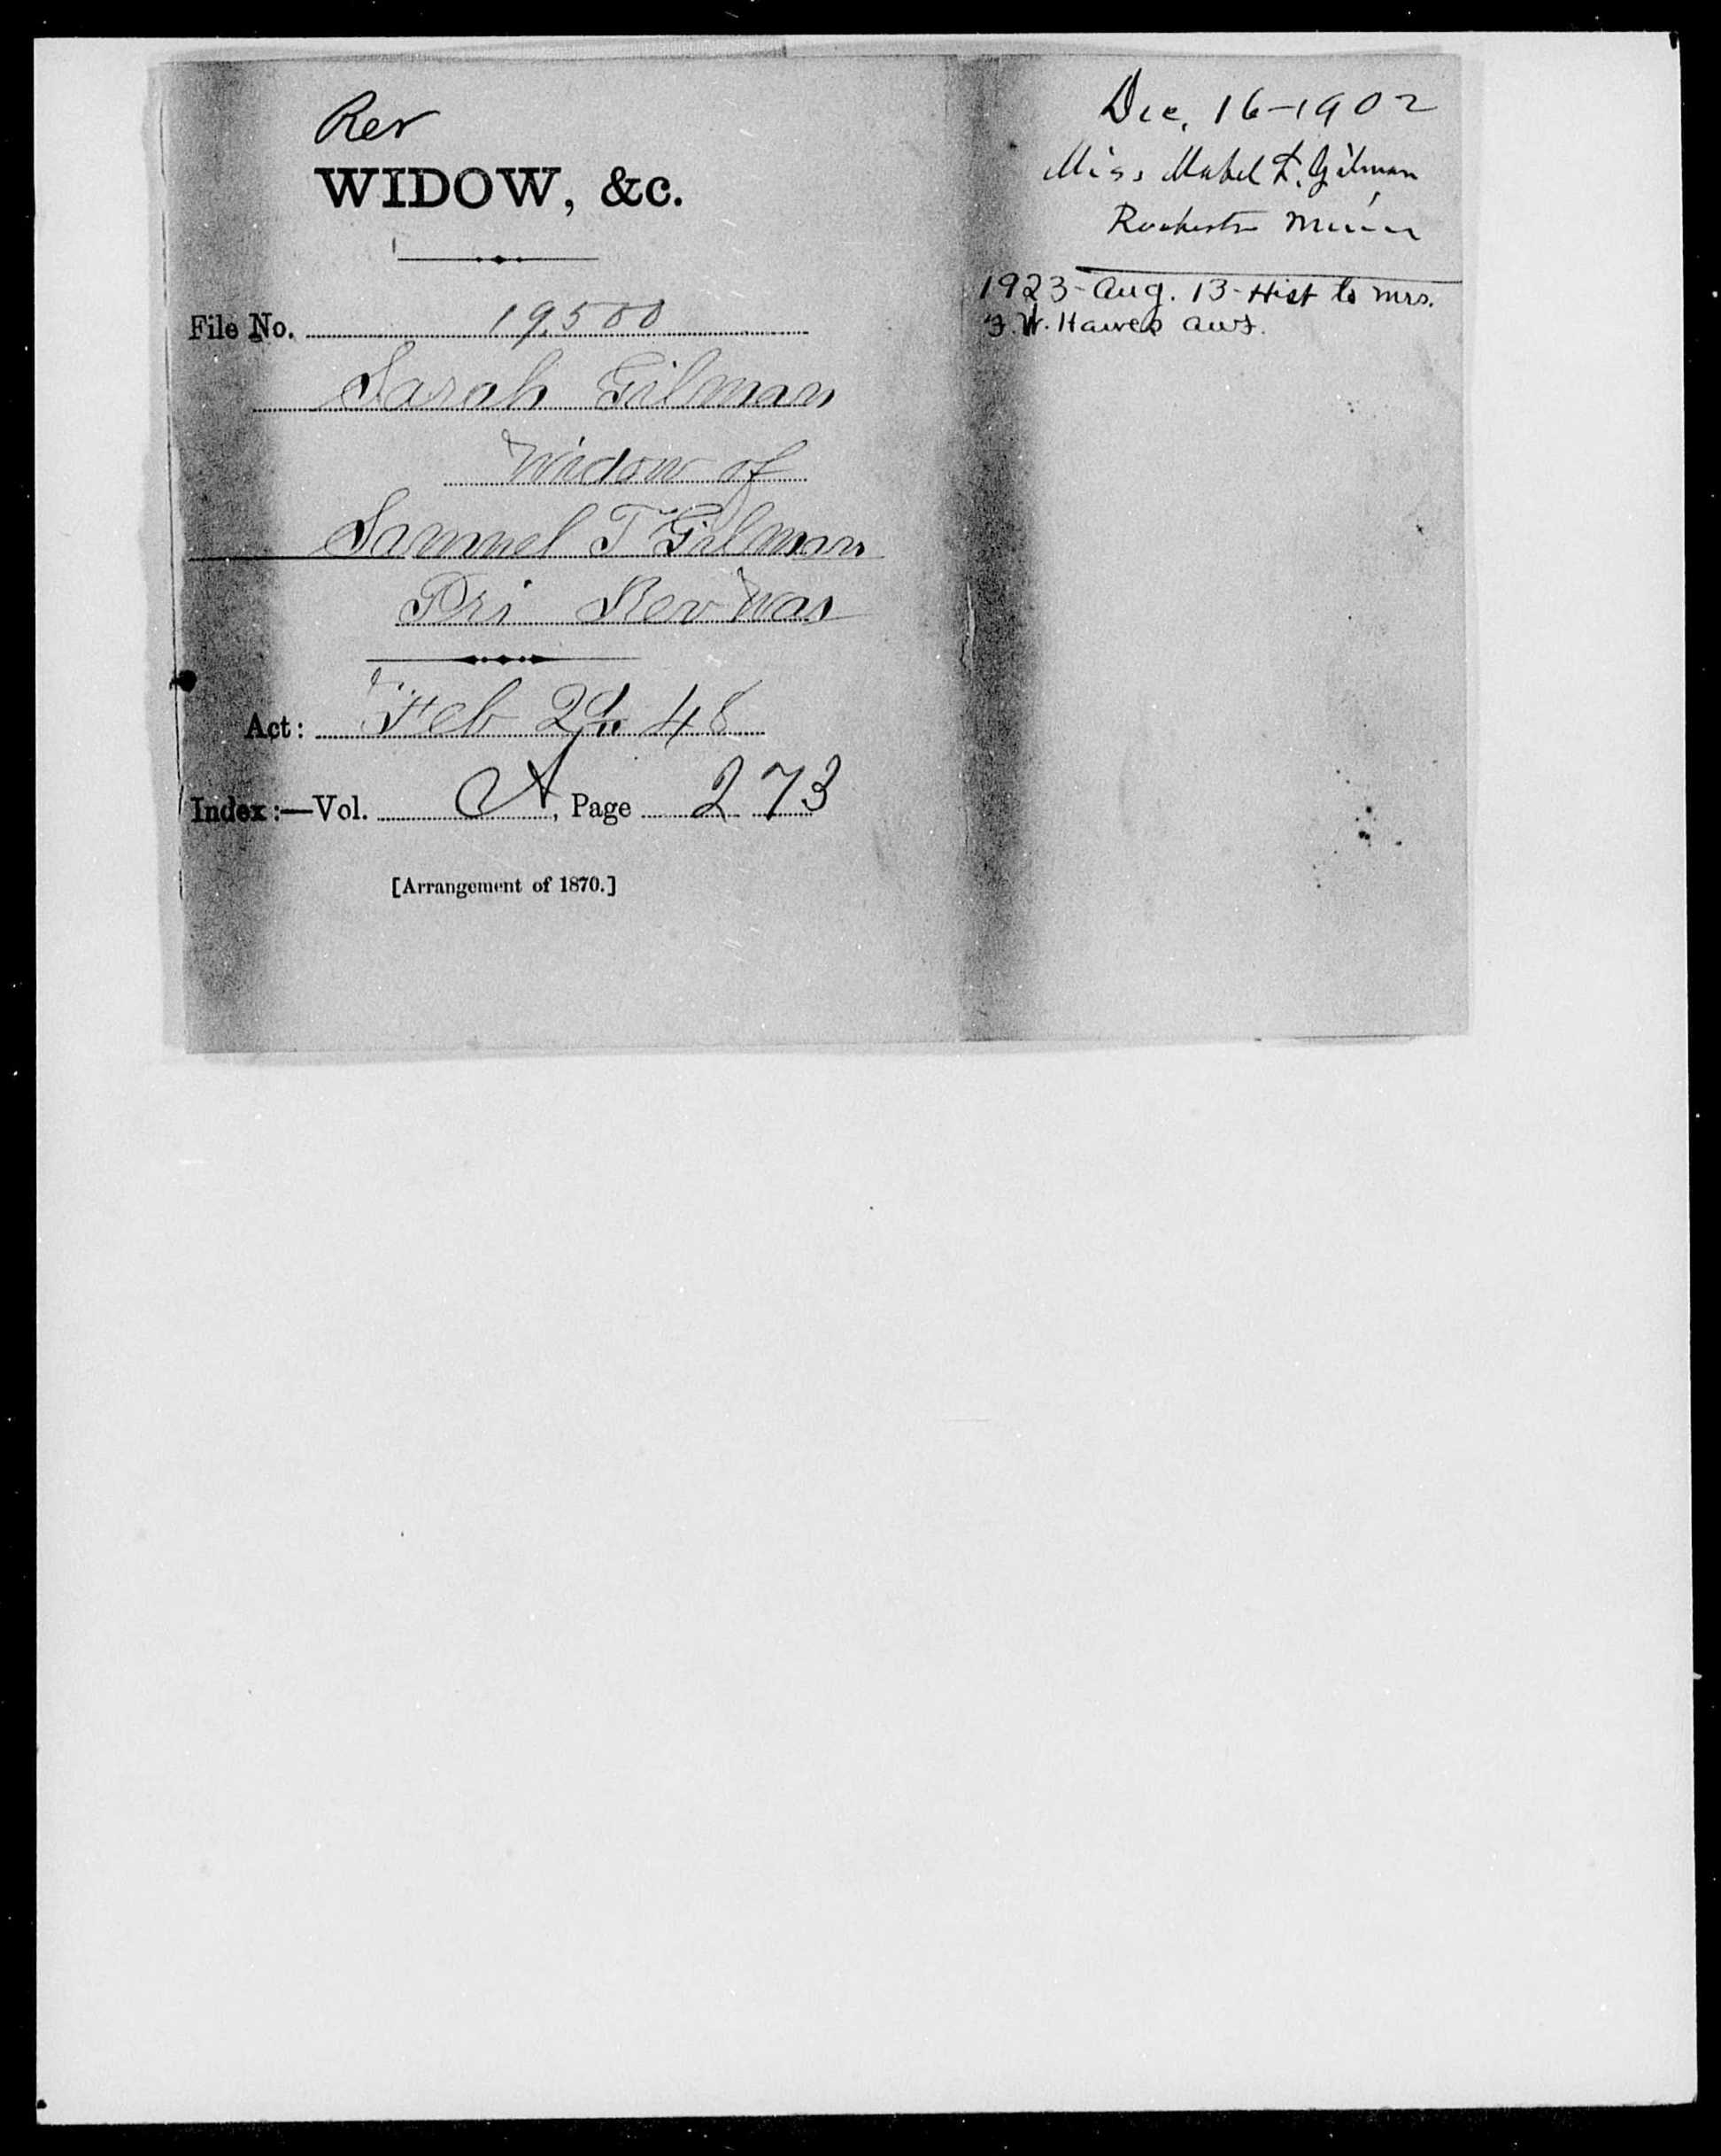left column
Rev.
WIDOW, &c.
-----
File No. 19,500
Sarah Gilman
widow of
Samuel T. Gilman
Pri. Rev. War
-----
Act: Feb. 2d, 48
Index:--Vol. A, Page 273
[Arrangement of 1870.]

right column
Dec. 16, 1902
Miss Mabel D. Gilman
Roberts Maine
-----
1923 - Aug. 13 - Hist to Mrs.
F. W. Hawes Aws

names: Sarah Gilman, Samuel T Gilman, F W Hawes, Mabel D Gilman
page: 16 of 61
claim: widow's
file: W. 19500, Samuel Thing Gilman, Continental N.H.